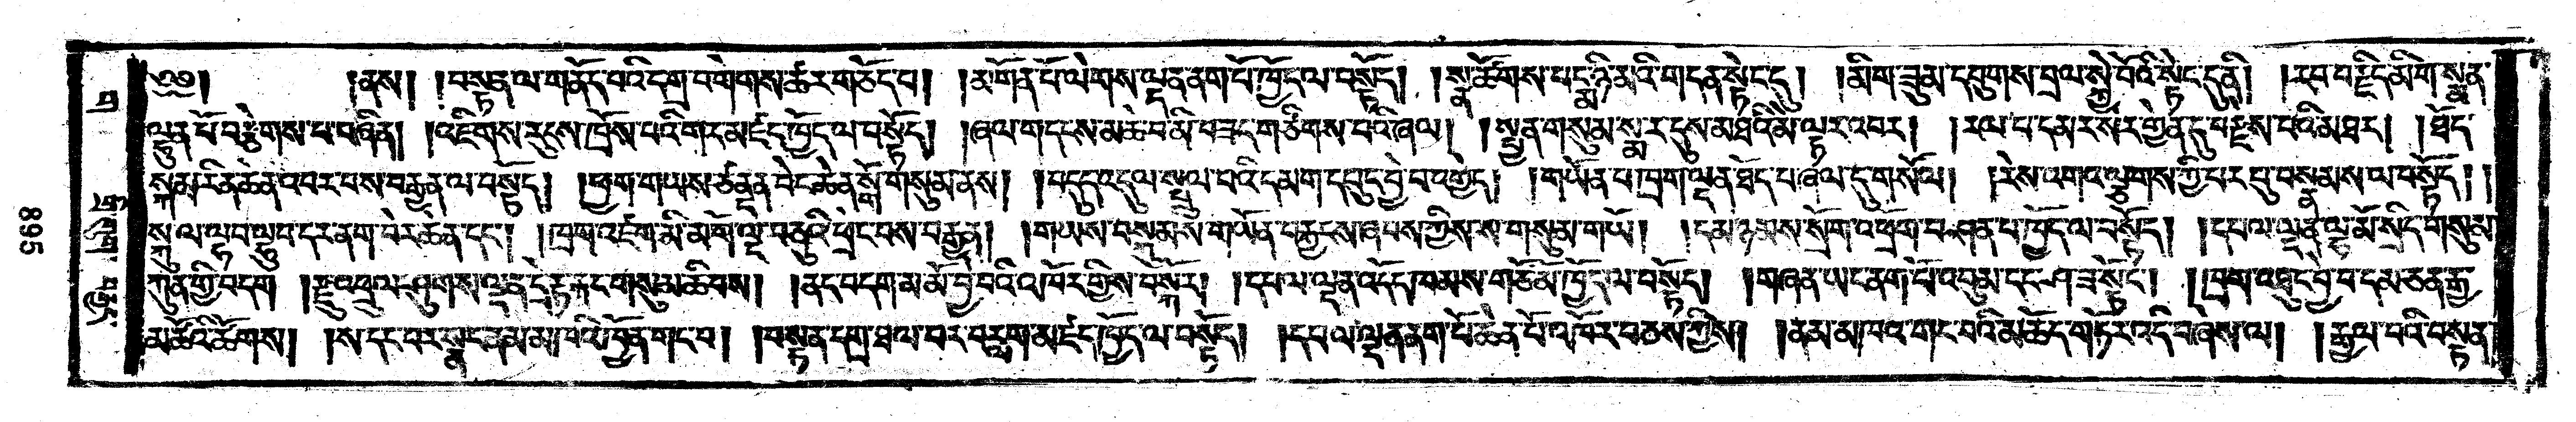༄༅། །ནས། །བསྟན་ལ་གནོད་པའི་དགྲ་བགེགས་ཚར་གཅོད་པ། །མགོན་པོ་ལེགས་ལྡན་ནག་པོ་ཁྱོད་ལ་བསྟོད། །སྣ་ཚོགས་པདམ་ཉི་མའི་གདན་སྟེང་དུ། །མིག་ཟུམ་དབུགས་བྲལ་སྐྱེ་བོའི་སྟེང་དུ་ནི། །རབ་བརྗིད་མིག་སྨན་
ལྷུན་པོ་བརྩེགས་པ་བཞིན། །འཇིགས་རུངས་ཁྲོས་པའི་གར་མཛད་ཁྱོད་ལ་བསྟོད། །ཞལ་གདངས་མཆེ་བ་མི་བཟད་གཙིགས་པའི་ཞལ། །སྤྱན་གསུམ་སྨ་ར་དུས་མཐའི་མེ་ལྟར་འབར། །རལ་པ་དམར་སེར་གྱེན་དུ་བརྫེས་པའི་མཐར། །ཐོད་
སྐམ་རིན་ཆེན་འབར་བས་བརྒྱན་ལ་བསྟོད། །ཕྱག་གཡས་ཙནྡན་བེང་ཆེན་སྒོ་གསུམ་ནས། །བདུད་འདུལ་སྤྲུལ་པའི་དམག་དཔུང་བྱེ་བ་འགྱེད། །གཡོན་པ་ཁྲག་ལྡན་ཐོད་པ་ཞལ་དུ་གསོལ། །རེས་འགའ་ལྕགས་ཀྱི་པར་པུ་བསྣམས་ལ་བསྟོད།།
སྐུ་ལ་ལྷབ་ལྷུབ་དར་ནག་བེར་ཆེན་དང་། །ཁྲག་འཛག་མི་མགོ་ལྔ་བཅུའི་ཕྲེང་བས་བརྒྱན། །གཡས་བསྐུམས་གཡོན་བརྐྱངས་ཞབས་ཀྱིས་ས་གསུམ་གཡོ། །དམ་ཉམས་སྲོག་འཕྲོག་བཤན་པ་ཁྱོད་ལ་བསྟོད། །དཔལ་ལྡན་ལྷ་མོ་སྲིད་གསུམ་
ཀུན་གྱི་བདག །རྫུ་འཕྲུལ་ཤུགས་ལྡན་དྲེ་རྟ་རྐང་གསུམ་ཆིབས། །ནང་བདག་མ་མོ་བྱེ་བའི་འཁོར་གྱིས་བསྐོར། །དཔལ་ལྡན་འདོད་ཁམས་གཙོ་མོ་ཁྱོད་ལ་བསྟོད། །གཞན་ཡང་ནག་པོ་འབུམ་དང་ཤ་ཟ་སྟོང་། །ཁྲག་འཐུང་བྱེ་བ་དམ་ཅན་རྒྱ་
མཚོའི་ཚོགས། །ས་དང་བར་སྣང་ནམ་མཁའི་ཁྱོན་གང་བ། །བསྟན་དགྲ་ཐལ་བར་བརླག་མཛད་ཁྱོད་ལ་བསྟོད། །དཔལ་ལྡན་ནག་པོ་ཆེན་པོ་འཁོར་བཅས་ཀྱིས། །ནམ་མཁའ་གང་བའི་མཆོད་གཏོར་འདི་བཞེས་ལ། །རྒྱལ་བའི་བསྟན་